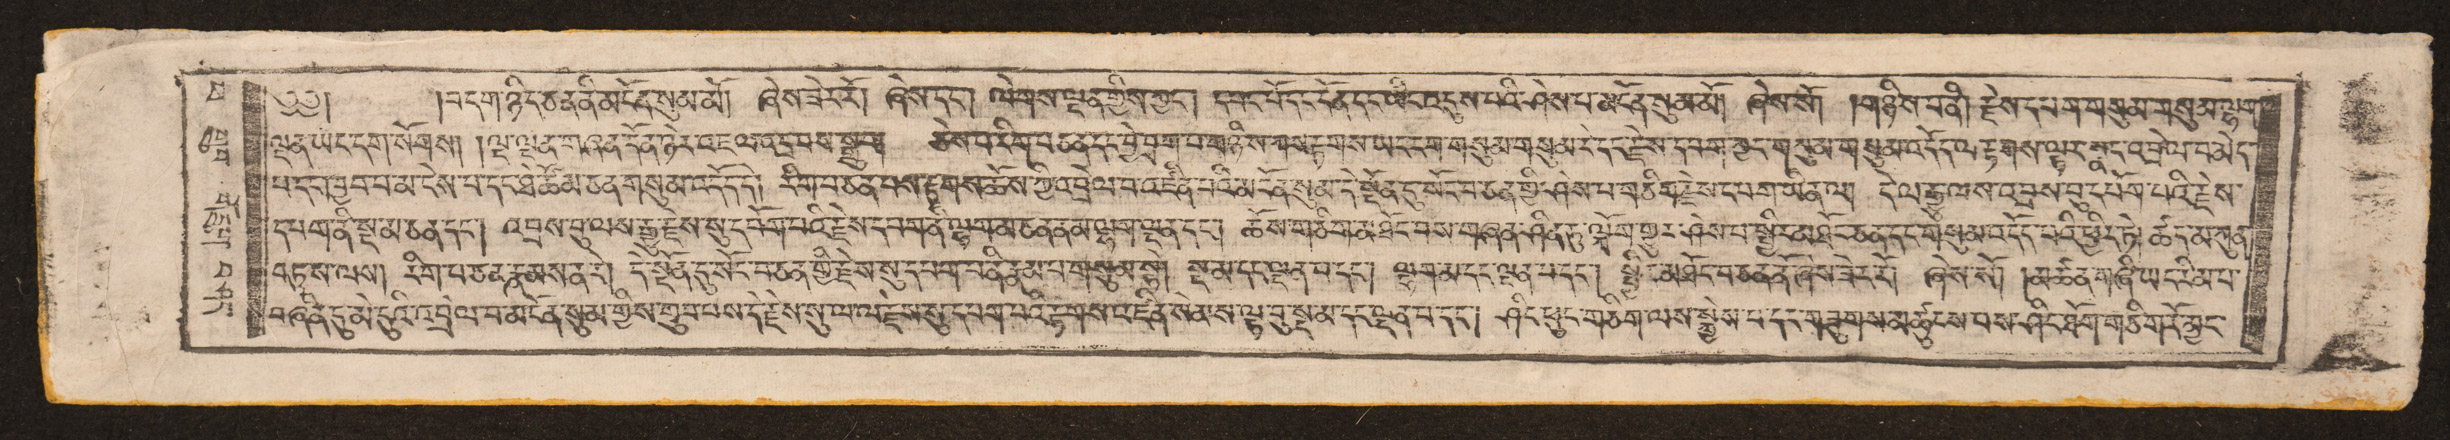༄༅། །བདག་ཉིད་ཅན་ནི་མངོན་སུམ་མོ། །ཞེས་ཟེར་རོ། །ཞེས་དང་། ལེགས་ལྡན་གྱིས་ཀྱང་། །དབང་པོ་དང་དོན་དང་ཡིད་འདུས་པའི་ཤེས་པ་མངོན་སུམ་མོ། །ཞེས་སོ། །གཉིས་པ་ནི། །རྗེས་དཔག་གསུམ་གསུམ་ལྷག་
ལྡན་ཡང་དག་སོགས། །ལྔ་ལྡན་གཞན་དོན་ཉེར་འཇལ་འདྲ་བས་སྒྲུབ། །ཅེས་པ་རིག་པ་ཅན་དང་བྱེ་བྲག་པ་གཉིས་ཀས་རྟགས་ཡང་དག་གསུམ་གསུམ་རེ་དང་རྗེས་དཔག་ཀྱང་གསུམ་གསུམ་འདོད་ལ་རྟགས་ལྟར་སྣང་འབྲེལ་བ་མེད་
པ་དང་ཁྱབ་པ་མ་ངེས་པ་དང་ཐེ་ཚོམ་ཅན་གསུམ་འདོད་དེ། །རིག་པ་ཅན་པས་རྟགས་ཆོས་ཀྱི་འབྲེལ་བ་འཇིན་པའི་མངོན་སུམ་དེ་སྔོན་དུ་སོང་བ་ཅན་གྱི་ཤེས་པ་གཅིག་རྗེས་དཔག་ཡིན་ལ། །དེ་ལ་རྒྱུ་ལས་འབྲས་བུ་དཔོག་པའི་རྗེས་
དཔག་ནི་སྔ་མ་ཅན་དང་། །འབུས་?་བུ་ལས་རྒྱུ་རྗེས་སུ་དཔོག་པའི་རྗེས་དཔག་ནི་ལྷག་མ་ཅན་ནམ་ལྷག་ལྡན་དང་། །ཚེས་གཅིག་མཐོང་བས་གཞན་ཤིན་ཏུ་ལྐོག་གྱུར་ཤེས་པ་སྤྱིར་མཐོང་ཅན་དང་གསུམ་འདོད་པའི་ཕྱིར་ཏེ། ཚང་མ་ཀུན་
བཏུས་ལས། །རིག་པ་ཅན་རྣམས་ན་རེ། དེ་སྔོན་དུ་སོང་བ་ཅན་གྱི་རྗེས་སུ་དཔག་པ་ནི་རྣམ་པ་གསུམ་སྟེ། །སྔ་མ་དང་ལྡན་པ་དང་། །ལྷག་མ་དང་ལྡན་པ་དང་། །སྤྱིར་མཐོང་བ་ཅན་ནོ་ཞེས་ཟེར་རོ། །ཞེས་སོ། །མཚན་གཞི་ཡང་རིམ་པ་
བཞིན་དུ་མེ་དུའི་འབྲེལ་བ་མངོན་སུམ་གྱིས་གྲུབ་པས་དེ་རྗེས་སུ་ལ་ལ་རྗེས་སུ་དཔག་པའི་རྟགས་འཛིན་སེམས་ལྟ་བུ་སྔ་མ་དང་ལྡན་པ་དང་། །ཤིང་ཕུང་གཅིག་ལས་སྐྱེས་པ་དང་གཟུགས་མཚུངས་པས་ཤིང་ཐོག་གཅིག་རོ་མྱང་